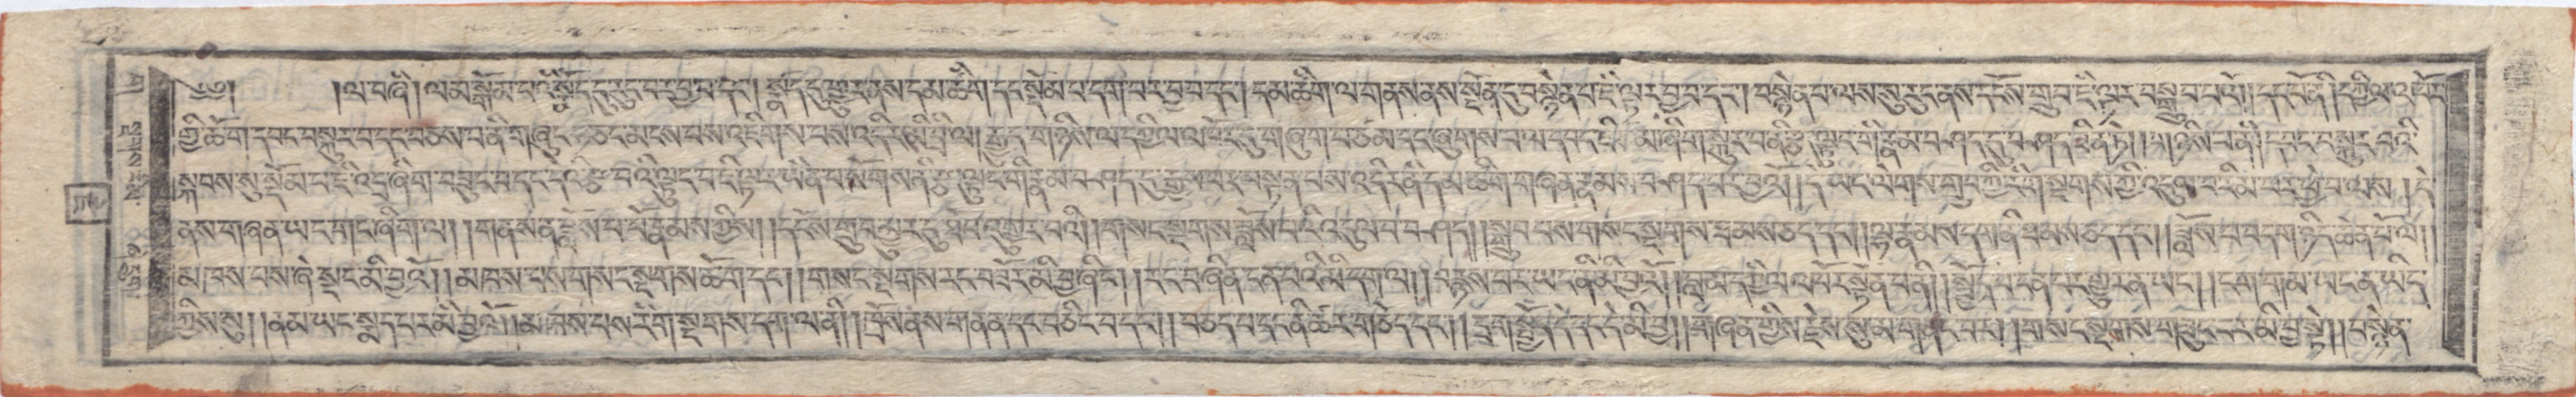༄༅། །ལ་བཞི། ལམ་སྒོམ་པའི་སྣོད་དུ་རུང་བར་བྱ་བ་དང་། སྣོད་དུ་གྱུར་ནས་དམ་ཚིག་དང་སྡོམ་པ་དག་པར་བྱ་བ་དང་། དམ་ཚིག་ལ་གནས་ནས་སྔོན་དུ་བསྙེན་པ་ཇི་ལྟར་བྱ་བ་དང་། བསྙེན་པ་ལས་སུ་རུང་ནས་དངོས་གྲུབ་ཇི་ལྟར་བསྒྲུབ་པའོ། །དང་པོ་ནི། དཀྱིལ་འཁོར་
གྱི་ཆོ་ག་དབང་བསྐུར་བ་དང་བཅས་པ་ནི་གཞུང་ཧ་ཅང་མངས་པས་འཇིགས་པས་འདིར་མི་བྲི་ལ། རྒྱུད་གཉིས་ལ་དཀྱིལ་འཁོར་དུ་གཞུག་པ་ཙམ་དང་ཞུགས་པ་ལ་དབང་ཇི་ཙམ་ཞིག་སྐུར་བ་ནི་རྩ་ལྟུང་གི་རྣམ་བཤད་དུ་བཤད་ཟིན་ཏོ། །གཉིས་པ་ནི། དབང་བསྐུར་བའི་
སྐབས་སུ་སྡོམ་པ་ཇི་འདྲ་ཞིག་བཟུང་བ་དང་དེའི་རྩ་བའི་ལྟུང་བ་ཇི་ལྟར་ཡིན་པ་སོགས་ནི་རྩ་ལྟུང་གི་རྣམ་བཤད་དུ་རྒྱས་པར་བསྟན་པས་འདིར་ནི་དམ་ཚིག་གཞན་རྣམས་བཤད་པར་བྱའོ། །དེ་ཡང་ལེགས་གྲུབ་ཀྱི་རིག་སྔགས་ཀྱི་འདུལ་བ་རིམ་པར་ཕྱེ་བ་ལས། དེ་
ནས་གཞན་ཡང་གང་ཞིག་ལ། །གནས་ན་ཟློས་པ་པོ་རྣམས་ཀྱིས། །དངོས་གྲུབ་མྱུར་དུ་ཐོབ་འགྱུར་བའི། །གསང་སྔགས་ཟློས་པའི་འདུལ་བ་བཤད། །སྒྲུབ་པས་གསང་སྔགས་ཐམས་ཅད་དང་། །ལྷ་རྣམས་དག་ནི་ཐམས་ཅད་དང་། །ཟློས་པ་བདག་ཉིད་ཆེན་པོ་ལ། །
མཁས་པས་ཞེ་སྡང་མི་བྱའོ། །མཁས་པས་གསང་སྔགས་ཆོ་ག་དང་། །གསང་སྔགས་རང་བཟོར་མི་བྱ་ཞིང་། །རང་བཞིན་ངན་པའི་མི་དག་ལ། །བརྙས་པར་ཡང་ནི་མི་བྱའོ། །བླ་མ་དཀྱིལ་འཁོར་སྟོན་པ་ནི། །སྤྱོད་པ་ངན་པར་གྱུར་ན་ཡང་། །ངག་གམ་ཡང་ན་ཡིད་
ཀྱིས་སུ། །ནམ་ཡང་སྨད་པར་མི་བྱའོ། །མཁས་པས་རིག་སྔགས་དག་ལ་ནི། །ཁྲོས་ནས་གནན་དང་བཅིང་བ་དང་། །བཅད་པ་དང་ནི་ཚར་གཅོད་དང་། །དྲག་སྤྱོད་དེ་དང་དེ་མི་བྱ། །གཞན་གྱིས་རྗེས་སུ་མ་གནང་བར། །གསང་སྔགས་གཟུང་བར་མི་བྱ་སྟེ། །བསྙེན་